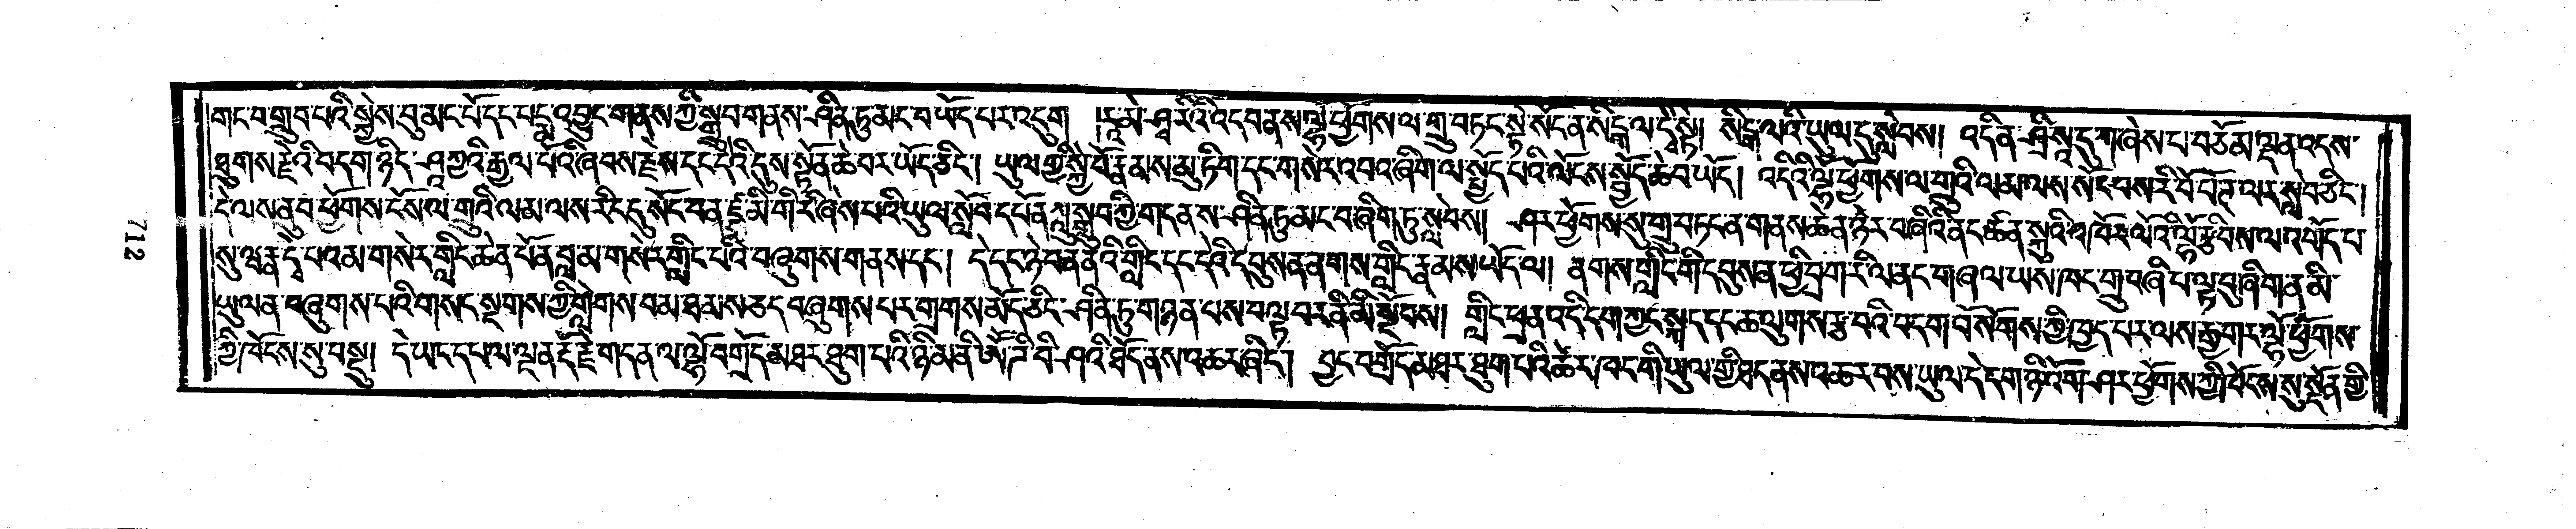གང་བ་གྲུབ་པའི་སྐྱེས་བུ་མང་པོ་དང་པདམ་འབྱུང་གནས་ཀྱི་སྒྲུབ་གནས་ཤིན་ཏུ་མང་བ་ཡོད་པར་འདུག །རཱ་མེ་ཤྭ་རིའི་འདབ་ནས་ལྷོ་ཕྱོགས་ལ་གྲུ་བཏང་སྟེ་སོང་ན་སིངྒ་ལ་དྭཻ་སྟེ། སིངྒ་ལའི་ཡུལ་དུ་སླེབས། འདི་ན་ཤྲི་སཱ་དུ་ཀ་ཞེས་པ་བཅོམ་ལྡན་འདས་
ཐུགས་རྗེའི་བདག་ཉིད་ཤཱཀྱའི་རྒྱལ་པོའི་ཞབས་རྗེས་དང་དེའི་དུས་སྟོན་ཆེ་བར་ཡོད་ཅིང་། ཡུལ་གྱི་སྐྱེ་བོ་རྣམས་མུ་ཏིག་དང་གསེར་འབའ་ཞིག་ལ་སྤྱོད་པའི་ལོངས་སྤྱོད་ཆེ་བ་ཡོད། འདིའི་ལྷོ་ཕྱོགས་ལ་གྲུའི་ལམ་ལས་སོང་བས་རི་བོ་པོ་ཊ་ལར་སླེབ་ཅིང་།
དེ་ལས་ནུབ་ཕྱོགས་ངོས་ལ་གྲུའི་ལམ་ལས་རིང་དུ་སོང་བ་ན་ཛྷ་མི་གི་རི་ཞེས་པའི་ཡུལ་སློབ་དཔོན་ཀླུ་སྒྲུབ་ཀྱི་གདན་ས་ཤིན་ཏུ་མང་བ་ཞིག་ཏུ་སླེབས། ཤར་ཕྱོགས་སུ་གྲུ་བཏང་ན་གནས་ཆེན་ཉེར་བཞིའི་ནང་ཚན་སྐུའི་འཁོར་ལོའི་ལྷོ་རྩིབས་ལ་འགོད་པ་
སུ་ཝརྣ་དྭེ་པའམ་གསེར་གླིང་ཆེན་པོ་ན་བླ་མ་གསེར་གླིང་པའི་བཞུགས་གནས་དང་། དེ་དང་ཉེ་བ་ན་ནའི་གླིང་དང་དེའི་དབུས་ན་ནགས་གླིང་རྣམས་ཡོད་ལ། ནགས་གླིང་གི་དབུས་ན་ཕྱི་བྲག་རི་ལ་ནང་གཞལ་ཡས་ཁང་གྲུ་བཞི་པ་ལྟ་བུ་ཞིག་ན་མི་
ཡུལ་ན་བཞུགས་པའི་གསང་སྔགས་ཀྱི་གླེགས་བམ་ཐམས་ཅད་བཞུགས་པར་གྲགས་མོད་ཅིང་ཤིན་ཏུ་གཉན་པས་བལྟ་བར་ནི་མི་སྔོབས། གླིང་ཕྲན་འདི་དག་ཀྱང་སྐད་དང་ཆ་ལུགས་རྩ་བའི་བདག་བོ་སོགས་ཀྱི་ཁྱད་པར་ལས་རྒྱ་གར་ལྷོ་ཕྱོགས་
ཀྱི་ཁོངས་སུ་བསྡུ། དེ་ཡང་དཔལ་ལྡན་རྡོ་རྗེ་གདན་ལ་ལྷོ་བགྲོད་མཐར་ཐུག་པའི་ཉི་མ་ནི་ཨཽ་ཌི་བི་ཤའི་ཐོད་ནས་འཆར་ཞིང་། བྱང་བགྲོད་མཐར་ཐུག་པའི་ཚེར་ཁང་གི་ཡུལ་གྱི་ཐད་ནས་འཆར་བས་ཡུལ་དེ་དག་ཉི་འོག་ཤར་ཕྱོགས་ཀྱི་ཁོངས་སུ་སྔོན་གྱི་